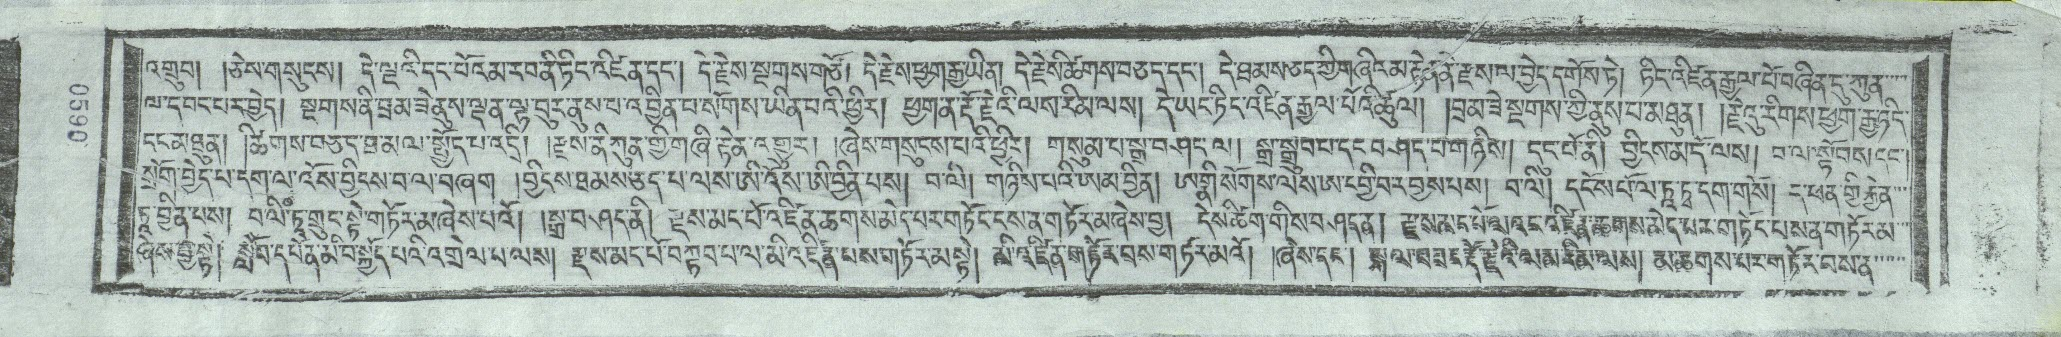འགྲུབ། །ཅེས་གསུངས། དེ་ལྔའི་དང་པོའམ་རབ་ནི་ཏིང་འཛིན་དང་། དེ་རྗེས་སྔགས་གཙོ། དེ་རྗེས་ཕྱག་རྒྱ་ཡིན། དེ་རྗེས་ཚིགས་བཅད་དང་། དེ་ཐམས་ཅད་ཀྱི་གཞིའམ་རྟེན་ནི་རྫས་ལ་བྱེད་དགོས་ཏེ། ཏིང་འཛིན་རྒྱལ་པོ་བཞིན་དུ་ཀུན་
ལ་དབང་པར་བྱེད། སྔགས་ནི་བྲམ་ཟེ་ནུས་ལྡན་ལྟ་བུར་ནུས་པ་འབྱིན་པ་སོགས་ཡིན་པའི་ཕྱིར། ཕྱག་ན་རྡོ་རྗེའི་ལས་རིམ་ལས། དེ་ཡང་ཏིང་འཛིན་རྒྱལ་པོའི་ཚུལ། །བྲམ་ཟེ་སྔགས་ཀྱི་ནུས་པ་མཐུན། །རྗེའུ་རིགས་ཕྱག་རྒྱ་ཉིད་
དང་མཐུན། །ཚིགས་བཅད་ཐམ་ལ་སྤྱོད་པ་འདྲི། །རྫས་ནི་ཀུན་གྱི་གཞི་རྟེན་འགྱུར། །ཞེས་གསུངས་པའི་ཕྱིར། གསུམ་པ་སྒྲ་བཤད་ལ། སྒྲ་སྒྲུབ་པ་དང་བཤད་པ་གཉིས། དུང་པོ་ནི། བྱིངས་མདོ་ལས། བ་ལ་སྟོབས་དང་
སྲོག་བྱེད་པ་དག་ལ་འོས་བྱིངས་པ་ལ་བཞག །བྱིངས་ཐམས་ཅད་པ་ལས་ཨི་འོས་ཨི་བྱིན་པས། བ་ལི། གཉིས་པའི་ཨ་མ་བྱིན། ཨ་གནི་སོགས་ལས་ཨ་དབྱི་པར་བྱས་པས། བ་ལི། དངོས་པོ་ལ་ཏཱ་ཏྭ་དག་གོས། བ་ཕན་གྱི་རྐྱེན་
ཏཱ་བྱིན་པས། བ་ལིཾ་ཏཱ་གྲུབ་སྟེ་གཏོར་མ་ཞེས་པའོ། །སྒྲ་བཤད་ནི། སྔས་མང་པོ་འཛིན་ཆགས་མེད་པར་གཏོར་ངས་ན་གཏོར་མ་ཞེས་བྱ། དེས་ཚིག་གིས་བཤད་ན། རྫས་མང་པོ་ལའང་འཛིན་ཆགས་མེད་པར་གཏོང་པས་ན་གཏོར་མ་
ཞེས་བྱ་སྟེ། སློབ་དཔོན་མི་བསྐྱོད་པའི་འགྲེལ་པ་ལས། རྫས་མང་པོ་བཀྟབ་པ་ལ་མི་འཛིན་པས་གཏོར་མ་སྟེ། མི་འཛིན་གཏོར་པས་གཏོར་མའོ། །ཞེས་དང་། སྐལ་བཟང་རྡོ་རྗེའི་ལམ་རིམ་ལས། མཆགས་པར་གཏོར་བསན་